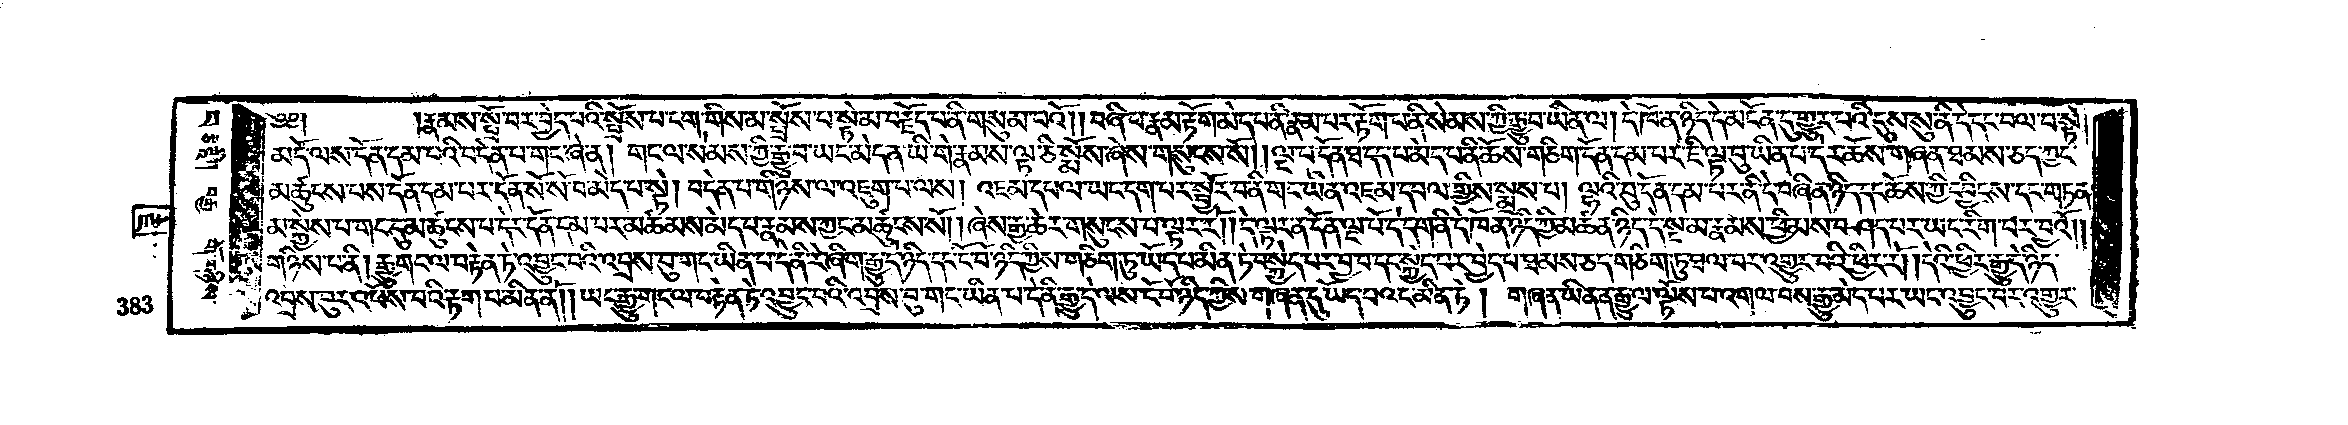༄༅། །རྣམས་སྤྲོ་བར་བྱེད་པའི་སྤྲོས་པ་ངག་གིས་མ་སྤྲོས་པ་སྟེ་མ་བརྗོད་པ་ནི་གསུམ་པའོ། །བཞི་པ་རྣམ་རྟོག་མེད་པ་ནི་རྣམ་པར་རྟོག་པ་ནི་སེམས་ཀྱི་རྒྱུ་བ་ཡིན་ལ། དེ་ཁོ་ན་ཉིད་དེ་མངོན་དུ་གྱུར་པའི་དུས་སུ་ནི་དེ་དང་བྲལ་བ་སྟེ།
མདོ་ལས་དོན་དམ་པའི་བདེན་པ་གང་ཞེ་ན། གང་ལ་སེམས་ཀྱི་རྒྱུ་བ་ཡང་མེད་ན་ཡི་གེ་རྣམས་ལྟ་ཅི་སྨོས་ཞེས་གསུངས་སོ། །ལྔ་པ་དོན་ཐ་དད་པ་མེད་པ་ནི་ཆོས་གཅིག་དོན་དམ་པར་ཇི་ལྟ་བུ་ཡིན་པ་དེར་ཆོས་གཞན་ཐམས་ཅད་ཀྱང་
མཚུངས་པས་དོན་དམ་པར་དོན་སོ་སོ་བ་མེད་པ་སྟེ། བདེན་པ་གཉིས་ལ་འཇུག་པ་ལས། འཇམ་དཔལ་ཡང་དག་པར་སྦྱོར་བ་ནི་གང་ཡིན་འཇམ་དཔལ་གྱིས་སྨྲས་པ། ལྷའི་བུ་དོན་དམ་པར་ནི་དེ་བཞིན་ཉིད་དང་ཆོས་ཀྱི་དབྱིངས་དང་གཏན་
མ་སྐྱེས་པ་གང་དུ་མཚུངས་པ་དེར་དོན་དམ་པར་མཚམས་མེད་པ་རྣམས་ཀྱང་མཚུངས་སོ། །ཞེས་རྒྱ་ཆེར་གསུངས་པ་ལྟར་རོ། །དེ་ལྟར་ན་དོན་ལྔ་པོ་དེ་དག་ནི་དེ་ཁོ་ན་ཉིད་ཀྱི་མཚན་ཉིད་དེ་སྔ་མ་རྣམས་ཕྱི་མས་བཤད་པར་ཡང་རིག་པར་བྱའོ། །
གཉིས་པ་ནི། རྒྱུ་གང་ལ་བརྟེན་ཏེ་འབྱུང་བའི་འབྲས་བུ་གང་ཡིན་པ་དེ་ནི་རེ་ཞིག་རྒྱུ་དེ་ཉིད་དང་ངོ་བོ་ཉིད་ཀྱིས་གཅིག་ཏུ་ཡོད་པ་མིན་ཏེ་བསྐྱེད་པར་བྱ་བ་དང་སྐྱེད་པར་བྱེད་པ་ཐམས་ཅད་གཅིག་ཏུ་ཐལ་བར་འགྱུར་བའི་ཕྱིར་རོ། །དེའི་ཕྱིར་རྒྱུ་དེ་ཉིད་
འབྲས་བུར་འཕོས་པའི་རྟག་པ་མིན་ནོ། །ཡང་རྒྱུ་གང་ལ་བརྟེན་ཏེ་འབྱུང་བའི་འབྲས་བུ་གང་ཡིན་པ་དེ་ནི་རྒྱུ་དེ་ལས་ངོ་བོ་ཉིད་ཀྱིས་གཞན་དུ་ཡོད་པའང་མིན་ཏེ། གཞན་ཡིན་ན་རྒྱུ་ལ་ལྟོས་པ་འགལ་བས་རྒྱུ་མེད་པར་ཡང་འབྱུང་བར་འགྱུར་